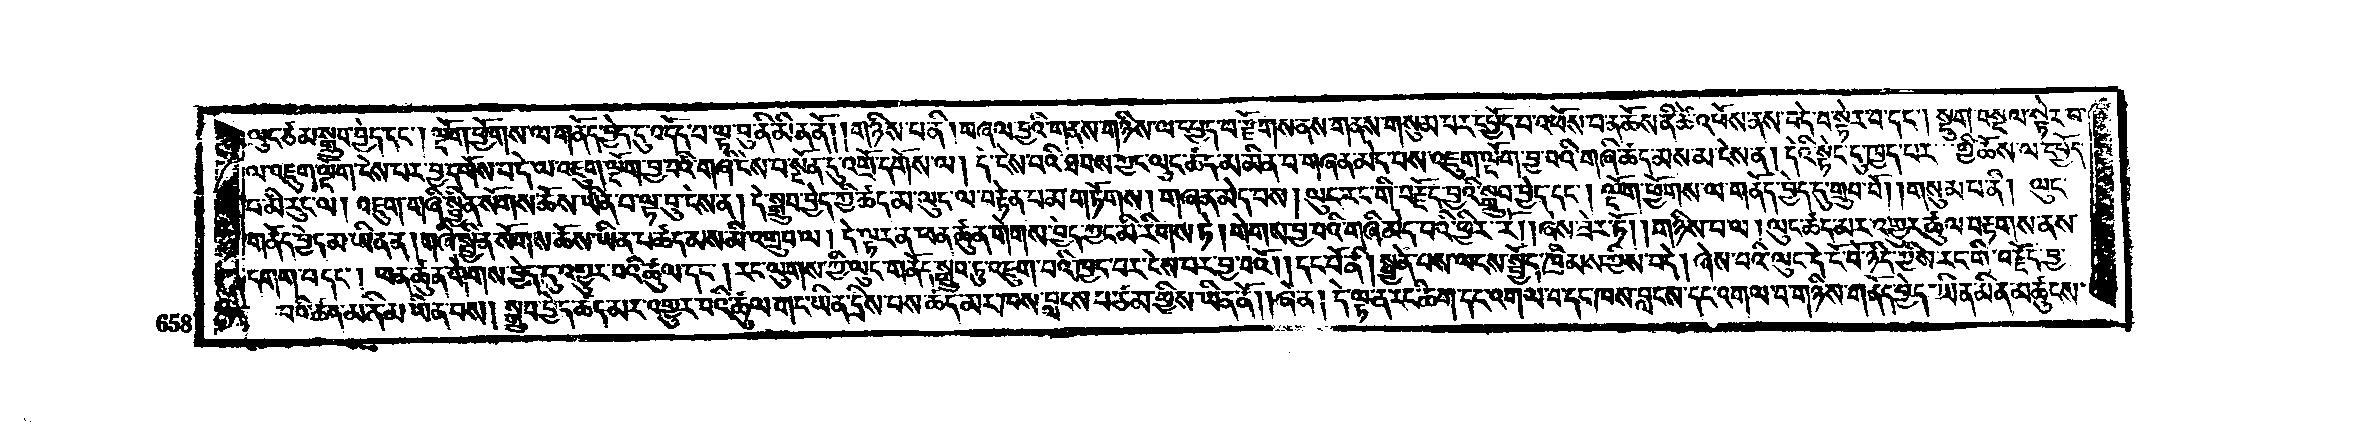ལུང་ཙམ་སྒྲུབ་བྱེད་དང་། ལྡོག་ཕྱོགས་ལ་གནོད་བྱེད་དུ་འདོད་པ་ལྟ་བུ་ནི་མིན་ནོ། །གཉིས་པ་ནི། གཞལ་བྱའི་གནས་གཉིས་ལ་དཔྱད་པ་རྫོགས་ནས་གནས་གསུམ་པར་དཔྱོད་པ་འཕོས་པ་ན་ཆོས་ནི་ཚེ་འཕོས་ནས་བདེ་བ་སྟེར་པ་དང་། སྡུག་བསྔལ་སྟེར་པ་
ལ་འཇུག་ལྡོག་ངེས་པར་བྱ་དགོས་པ་དེ་ལ་འཇུག་ལྡོག་བྱ་བའི་གཞི་ངེས་པ་སྔོན་དུ་འགྲོ་དགོས་ལ། དེ་ངེས་པའི་ཐབས་ཀྱང་ལུང་ཚད་མ་མིན་པ་གཞན་མེད་པས་འཇུག་ལྡོག་བྱ་བའི་གཞི་ཚད་མས་མ་ངེས་ན། དེའི་སྟེང་དུ་ཁྱད་པར་གྱི་ཆོས་ལ་དཔྱོད་
པ་མི་རུང་ལ། འཇུག་གཞི་སྦྱིན་སོགས་ཆོས་ཡིན་པ་ལྟ་བུ་ངེས་ན། དེ་སྒྲུབ་བྱེད་ཀྱི་ཚད་མ་ལུང་ལ་བརྟེན་པ་མ་གཏོགས། གཞན་མེད་པས། ལུང་རང་གི་བརྗོད་བྱའི་སྒྲུབ་བྱེད་དང་། ལྡོག་ཕྱོགས་ལ་གནོད་བྱེད་དུ་གྲུབ་བོ། །གསུམ་པ་ནི། ལུང་
གནོད་བྱེད་མ་ཡིན་ན། གཞི་སྦྱིན་སོགས་ཆོས་ཡིན་པ་ཚད་མས་མི་འགྲུབ་ལ། དེ་ལྟ་རྣ་ཕན་ཚུན་གེགས་བྱེད་ཀྱང་མི་རིགས་ཏེ། གེགས་བྱ་བའི་གཞི་མེད་པའི་ཕྱིར་རོ། །ཞེས་ཟེར་ཏོ། །གཉིས་པ་ལ། ལུང་ཚད་མར་འགྱུར་ཚུལ་བརྟགས་ནས་
དགག་པ་དང་། ཕན་ཚུན་གེགས་བྱེད་དུ་འགྱུར་བའི་ཚུལ་དང་། རང་ལུགས་ཀྱི་ལུང་གནོད་སྒྲུབ་ཏུ་འཇུག་པའི་ཁྱད་པར་ངེས་པར་བྱ་བའོ། །དང་པོ་ནི། སྦྱིན་པས་ལངས་སྤྱོད་ཁྲིམས་ཀྱིས་བདེ། ཞེས་པའི་ལུང་དེ་ངོ་བོ་ཉིད་ཀྱིས་རང་གི་བརྗོད་བྱ་
བའི་ཚན་མ་ནི་མ་ཡིན་པས། སྒྲུབ་བྱེད་ཚད་མར་འགྱུར་པའི་ཚུལ་གང་ཡིན་དྲིས་པས་ཚད་མར་ཁས་བླངས་པ་ཙམ་གྱིས་ཡིན་ནོ། །ཞེ་ན། དེ་ལྟ་ན་རང་ཚིག་དང་འགལ་བ་དང་ཁས་བླངས་དང་འགལ་བ་གཉིས་གནོད་བྱེད་ཡིན་མིན་མཚུངས་